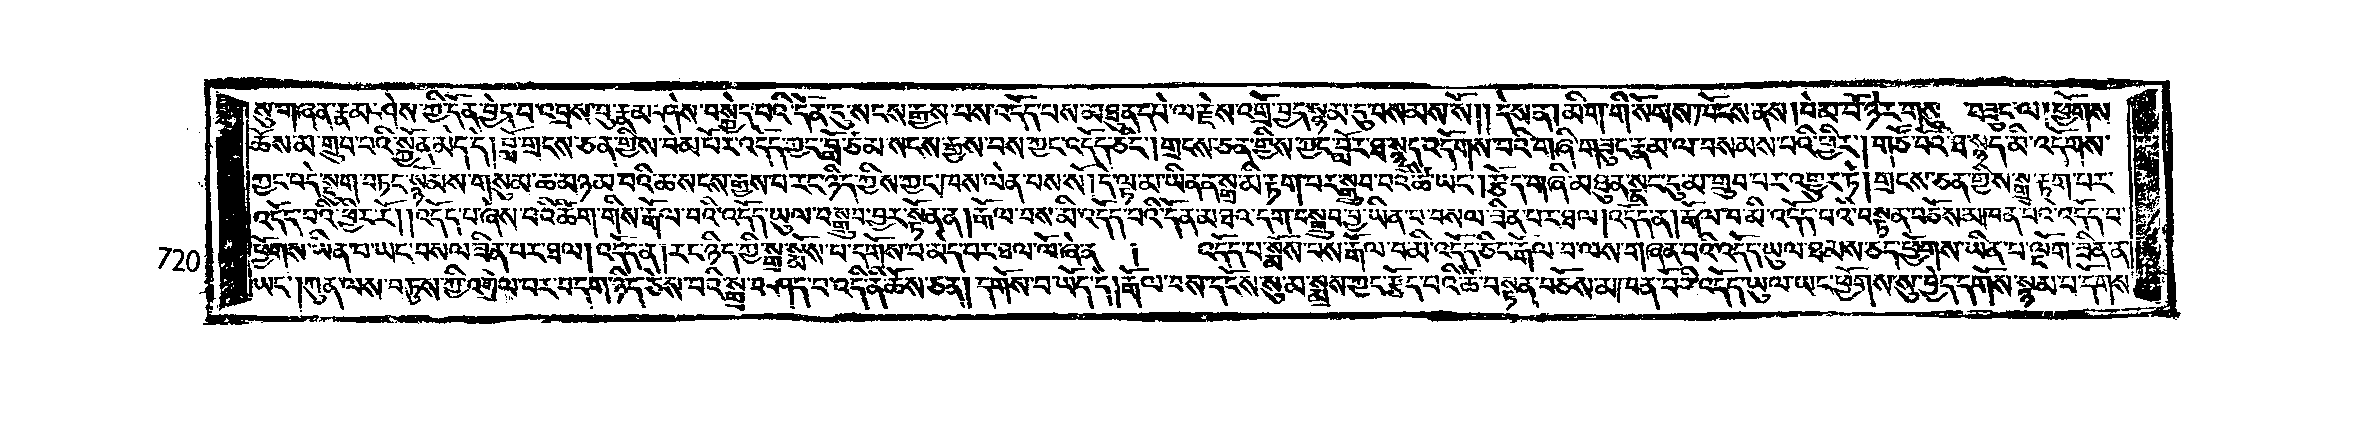སུ་གཞན་རྣམ་ཤེས་ཀྱི་དོན་བྱེད་བ་འབྲས་བུ་རྣམ་ཤེས་བསྐྱེད་པའི་དོན་དུ་སངས་རྒྱས་པས་འདོད་པས་མཐུན་དཔེ་ལ་རྗེས་འགྲོ་བྱད་སྙམ་དུ་བསམས་སོ། །དེས་ན། མིག་གི་སོགས་ཁོངས་ནས། བེམ་བོ་ཉེར་གསུམ་བཟུང་ལ། ཕྱོགས་
ཆོས་མ་གྲུབ་པའི་སྐྱོན་མེད་དེ། བློ་གྲངས་ཅན་གྱིས་བེམ་པོར་འདོད་ཀྱང་བློ་ཙམ་སངས་རྒྱས་བས་ཀྱང་འདོད་ཅིང་། གྲངས་ཅན་གྱིས་ཀྱང་བློར་ཐ་སྙད་འདོགས་པའི་གཞི་གཟུང་རྣམ་ལ་བསམས་པའི་ཕྱིར། གཙོ་བོའི་ཐ་སྙད་མི་འདོགས་
ཀྱང་བདེ་སྡུག་བཏང་སློམས་གསུམ་ཆ་མཉམ་པའི་ཆ་སངས་རྒྱས་བ་རང་ཉིད་ཀྱིས་ཀྱང་ཁས་ལེན་པས་སེ། དེ་ལྟ་མ་ཡིན་ན་སྒྲ་མི་རྟག་པར་སྒྲུབ་པའི་ཚེ་ཡང་། རྩོད་གཞི་མཐུན་སྣང་དུ་མ་གྲུབ་པར་འགྱུར་ཏེ། གྲངས་ཅན་གྱིས་སྒྲ་རྟག་པར་
འདོད་པའི་ཕྱིར་རོ། །འདོད་པ་ཞེས་པའི་ཚིག་གིས་རྒོལ་བའི་འདོད་ཡུལ་བསྒྲུབ་བྱར་སྟོན་ན། རྒོལ་བས་མི་འདོད་པའི་དོན་མཐའ་དག་བསྒྲུབ་བྱ་ཡིན་པ་བསལ་ཟིན་པར་ཐལ། འདོད་ན། རྒོལ་བ་མི་འདོད་པའི་བསྟན་བཅོས་མཁན་པོའི་འདོད་པ་
ཕྱོགས་ཡིན་པ་ཡང་བསལ་ཟིན་པར་ཐལ། འདོད་ན། རང་ཉིད་ཀྱི་སྒྲ་སྨོས་པ་དགོས་པ་མེད་པར་ཐལ་ལོ་ཞེ་ན་། འདོད་པ་སྨོས་པས་རྒོལ་བ་མི་འདོད་ཅིང་རྒོལ་བ་ལས་གཞན་པའི་འདོད་ཡུལ་ཐམས་ཅད་ཕྱོགས་ཡིན་པ་ལྡོག་ཟིན་ན་
ཡང་།ཀུན་ལས་བཏུས་ཀྱི་འགྲེལ་བར་བདག་ཉིད་ཅེས་པའི་སྒྲ་བཤད་པ་འདི་ནི་ཆོས་ཅན། དགོས་པ་ཡོད་དེ། རྒོལ་བས་དངོས་སུ་མ་སྨྲས་ཀྱང་རྩོད་པའི་ཚེ་བསྟན་བཅོས་མཁན་པོའི་འདོད་ཡུལ་ཡང་ཕྱོགས་སུ་བྱེད་དགོས་སྙམ་པ་དགོས་